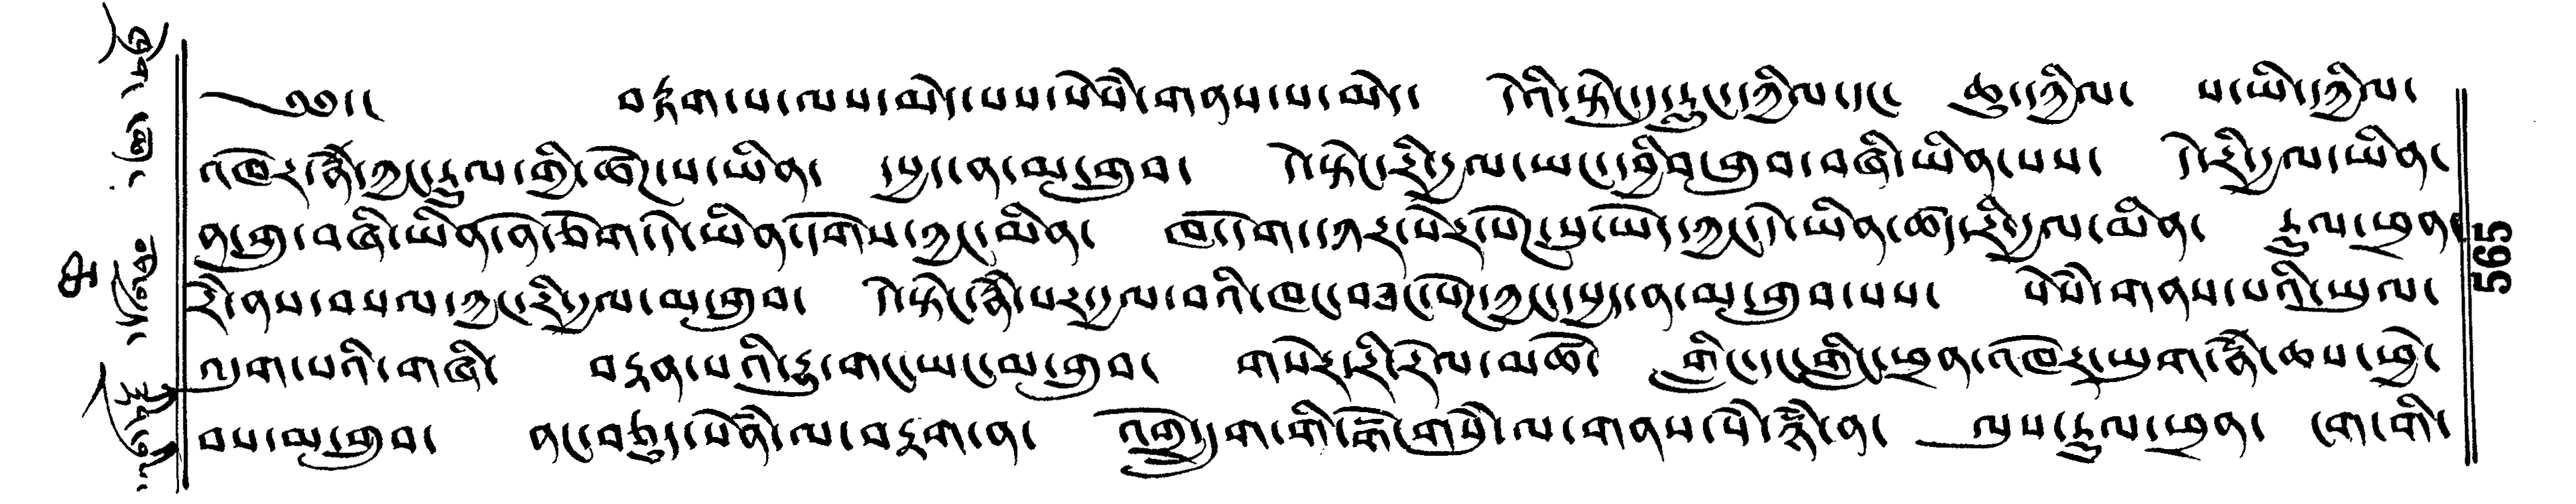བརྟགས་པ་ལས་མེད་པས་སེམས་གནས་པ་མེད། དེའི་སྟེང་དུ་རླུང་དཀྱིལ་དང་། ཆུ་དཀྱིལ། ས་ཡི་དཀྱིལ་
འཁོར་རྣམས་ཀྱང་རྡུལ་གྱི་ཚོགས་པ་ཡིན། དཔྱད་ན་མ་གྲུབ། དེ་སྟེང་རི་རྒྱལ་ཡང་དབྱིབས་གྲུ་བཞི་ཡིན་པས། དེ་རི་རྒྱལ་ཡིན་
ན་གྲུ་བཞི་ཡིན་ནོ་ཅོག་དེ་ཡིན་དགོས་ཀྱང་མིན། ཁ་དོག་དཀར་སེར་སོགས་སུ་ཡོད་ཀྱང་དེ་ཡིན་ཚད་རི་རྒྱལ་མིན། རྡུལ་ཕྲན་
རེ་རེ་ནས་བསལ་ཀྱང་རི་རྒྱལ་མ་གྲུབ། དེ་སྟེང་རྣམ་པར་རྒྱལ་བའི་ཁང་བཟང་སོགས་ཀྱང་དཔྱད་ན་མ་གྲུབ་པས། སེམས་གནས་པའི་ཡུལ་
འདུག་པའི་གཞི། བརྟན་པའི་རྒྱུ་གང་ཡང་མ་གྲུབ། གསེར་རི་རོལ་མཚོ། གླིང་དང་གླིང་ཕྲན་འཁོར་ཡུག་རྣམས་ཆ་ཕྱེ་
བས་མ་གྲུབ། ནང་བཅུད་སེམས་ཅན་ལ་བརྟགས་ན། འགྲོ་དྲུག་གི་སྒོ་གསུམ་ལ་གནས་སམ་སྙམ་ན།ལུས་རྡུལ་ཕྲན། ངག་གི་